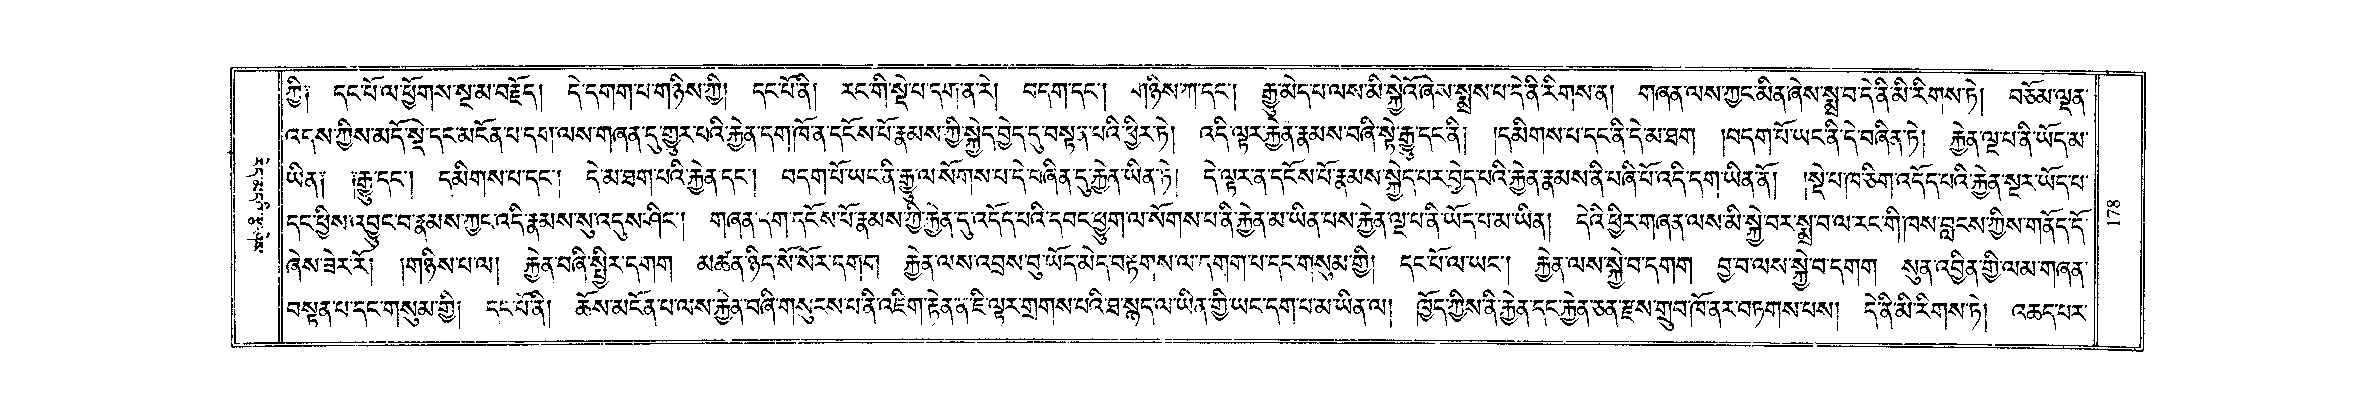ཀྱི༑ དང་པོ་ལ་ཕྱོགས་སྔ་མ་བརྗོད། དེ་དགག་པ་གཉིས་ཀྱི། དང་པོ་ནི། རང་གི་སྡེ་པ་དག་ན་རེ། བདག་དང་། གཉིས་ཀ་དང་། རྒྱུ་མེད་པ་ལས་མི་སྐྱེའོ་ཞེས་སྨྲས་པ་དེ་ནི་རིགས་ན། གཞན་ལས་ཀྱང་མིན་ཞེས་སྨྲ་བ་དེ་ནི་མི་རིགས་ཏེ། བཅོམ་ལྡན་
འདས་ཀྱིས་མདོ་སྡེ་དང་མངོན་པ་དག་ལས་གཞན་དུ་གྱུར་པའི་རྐྱེན་དག་ཁོ་ན་དངོས་པོ་རྣམས་ཀྱི་སྐྱེད་བྱེད་དུ་བསྟན་པའི་ཕྱིར་ཏེ། འདི་ལྟར་རྐྱེན་རྣམས་བཞི་སྟེ་རྒྱུ་དང་ནི། །དམིགས་པ་དང་ནི་དེ་མ་ཐག །བདག་པོ་ཡང་ནི་དེ་བཞིན་ཏེ། རྐྱེན་ལྔ་པ་ནི་ཡོད་མ་
ཡིན༑ ༑རྒྱུ་དང་། དམིགས་པ་དང་། དེ་མ་ཐག་པའི་རྐྱེན་དང་། བདག་པོ་ཡང་ནི་རྒྱུ་ལ་སོགས་པ་དེ་བཞིན་དུ་རྐྱེན་ཡིན་ཏེ། དེ་ལྟར་ན་དངོས་པོ་རྣམས་སྐྱེད་པར་བྱེད་པའི་རྐྱེན་རྣམས་ནི་བཞི་པོ་འདི་དག་ཡིན་ནོ། །སྡེ་པ་ཁ་ཅིག་འདོད་པའི་རྐྱེན་སྔར་ཡོད་པ་
དང་ཕྱིས་འབྱུང་བ་རྣམས་ཀྱང་འདི་རྣམས་སུ་འདུས་ཤིང་། གཞན་དག་དངོས་པོ་རྣམས་ཀྱི་རྐྱེན་དུ་འདོད་པའི་དབང་ཕྱུག་ལ་སོགས་པ་ནི་རྐྱེན་མ་ཡིན་པས་རྐྱེན་ལྔ་པ་ནི་ཡོད་པ་མ་ཡིན། དེའི་ཕྱིར་གཞན་ལས་མི་སྐྱེ་བར་སྨྲ་བ་ལ་རང་གི་ཁས་བླངས་ཀྱིས་གནོད་དོ་
ཞེས་ཟེར་རོ། །གཉིས་པ་ལ། རྐྱེན་བཞི་སྤྱིར་དགག་མཚན་ཉིད་སོ་སོར་དགག་རྐྱེན་ལས་འབྲས་བུ་ཡོད་མེད་བརྟགས་ལ་དགག་པ་དང་གསུམ་གྱི། དང་པོ་ལ་ཡང་། རྐྱེན་ལས་སྐྱེ་བ་དགག་བྱ་བ་ལས་སྐྱེ་བ་དགག་སུན་འབྱིན་གྱི་ལམ་གཞན་
བསྟན་པ་དང་གསུམ་གྱི། དང་པོ་ནི། ཆོས་མངོན་པ་ལས་རྐྱེན་བཞི་གསུངས་པ་ནི་འཇིག་རྟེན་ན་ཇི་ལྟར་གྲགས་པའི་ཐ་སྙད་ལ་ཡིན་གྱི་ཡང་དག་པ་མ་ཡིན་ལ། ཁྱོད་ཀྱིས་ནི་རྐྱེན་དང་རྐྱེན་ཅན་རྫས་གྲུབ་ཁོ་ནར་བཏགས་པས། དེ་ནི་མི་རིགས་ཏེ། འཆད་པར་